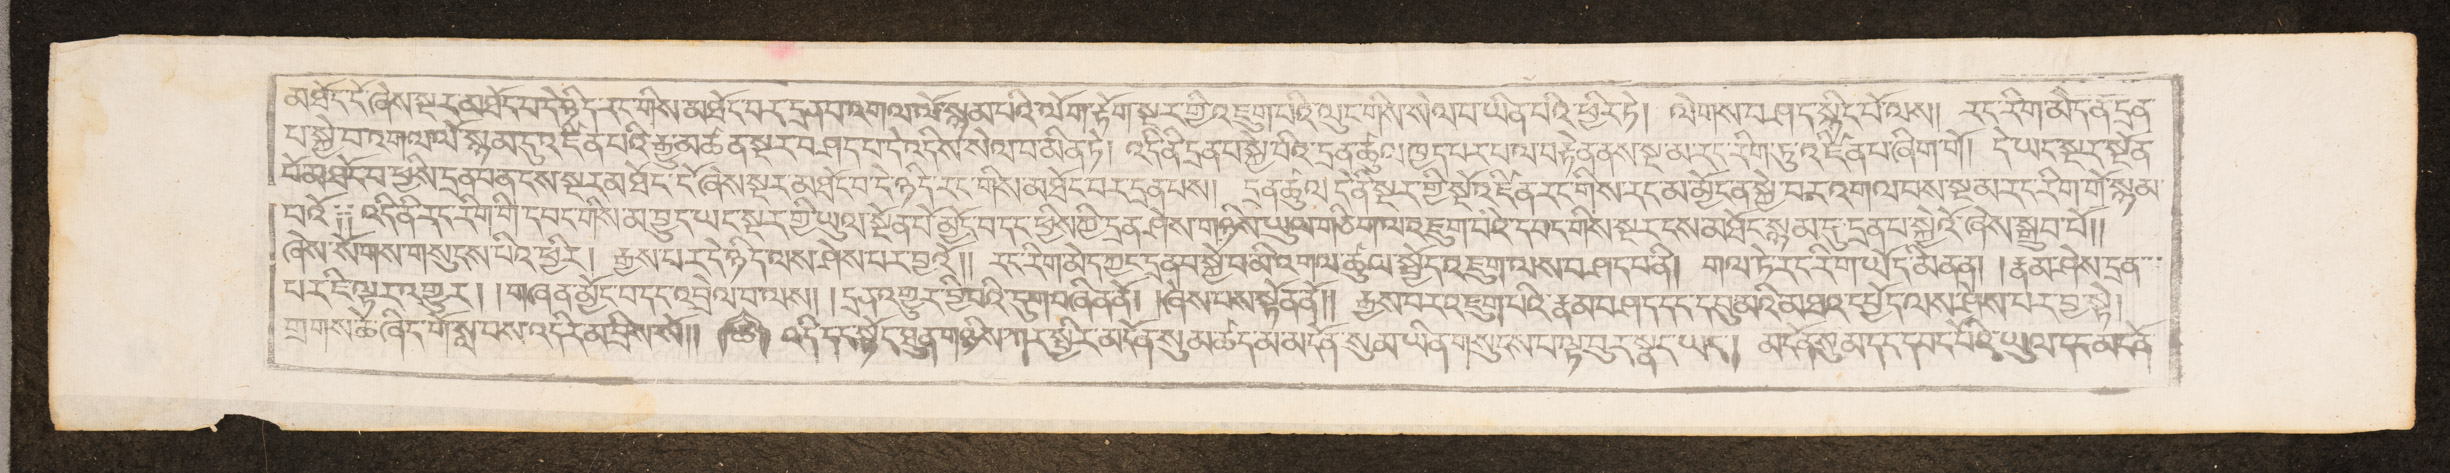མཐོང་ངོ་ཞེས་སྔར་མཐོང་བ་དེ་ཉིད་རང་གིས་མཐོང་བར་དྲན་པ་འགལ་ལོ་སྙམ་པའི་ལོག་རྟོག་སྔར་གྱི་འཇུག་པའི་ལུང་གིས་སེལ་བ་ཡིན་པའི་ཕྱིར་ཏེ། ལེགས་བཤད་སྙིང་པོ་ལས། རང་རིག་མེད་ན་དྲན་
པ་སྐྱེ་བ་འགལ་ལོ་སྙམ་དུ་འཛིན་པའི་རྒྱུ་མཚན་སྔར་བཤད་པ་དེ་འདིས་སེལ་བ་མིན་ཏེ། འདི་ནི་དྲན་པ་སྐྱེ་བའི་དྲན་ཚུལ་ཁྱད་པར་པ་ལ་བརྟེན་ནས་སྔ་མ་རང་རིག་ཏུ་འཛིན་པ་ཞིག་གོ། དེ་ཡང་སྔར་སྔོན་
པོ་མཐོང་བ་ཕྱིས་དྲན་པ་ན་ངས་སྔར་མཐོང་ངོ་ཞེས་སྔར་མཐོང་བ་དེ་ཉིད་རང་གིས་མཐོང་བར་དྲན་པས། དྲན་ཚུལ་དེ་ནི་སྔར་གྱི་སྔོ་འཛིན་རང་གིས་རང་མ་མྱོང་ན་སྐྱེ་བར་འགལ་བས་སྔ་མ་རང་རིག་གོ་སྙམ་
པའོ༑ ༑འདི་ནི་རང་རིག་གི་དབང་གིས་མ་བྱུང་ཡང་སྔར་གྱི་ཡུལ་སྔོན་པོ་མྱོང་བ་དང་ཕྱིས་ཀྱི་དྲན་ཤེས་གཉིས་ཡུལ་གཅིག་ལ་འཇུག་པའི་དབང་གིས་སྔར་ངས་མཐོང་སྙམ་དུ་དྲན་པ་སྐྱེའོ་ཞེས་སྒྲུབ་པོ།།
ཞེས་སོགས་གསུངས་པའི་ཕྱིར། རྒྱས་པར་དེ་ཉིད་ལས་ཤེས་པར་བྱའོ།། རང་རིག་མེད་ཀྱང་དྲན་པ་སྐྱེ་བ་མི་འགལ་ཚུལ་སྤྱོད་འཇུག་ལས་བཤད་པ་ནི། གལ་ཏེ་རང་རིག་ཡོད་མིན་ན། །རྣམ་ཤེས་དྲན་
པར་ཇི་ལྟར་འགྱུར། །གཞན་མྱོང་བ་དང་འབྲེལ་བ་ལས། །དྲན་འགྱུར་བྱི་བའི་དུག་བཞིན་ནོ། །ཞེས་པས་སྟོན་ནོ།། རྒྱས་པར་འཇུག་པའི་རྣམ་བཤད་དང་དབུ་མའི་མཐའ་དཔྱོད་ལས་ཤེས་པར་བྱ་སྟེ།
གྲགས་ཆེ་ཞིང་གོ་སླ་བས་འདིར་མ་བྲིས་སོ།། ༼༽ཆ༼༽ འདི་དང་སྟོང་ཐུན་གཉིས་ཀར་སྤྱིར་མངོན་སུམ་ཚད་མ་མངོན་སུམ་ཡིན་གསུངས་པ་ལྟ་བུར་སྣང་ཡང་། མངོན་སུམ་དང་དབང་པོའི་ཡུལ་དང་མངོན་